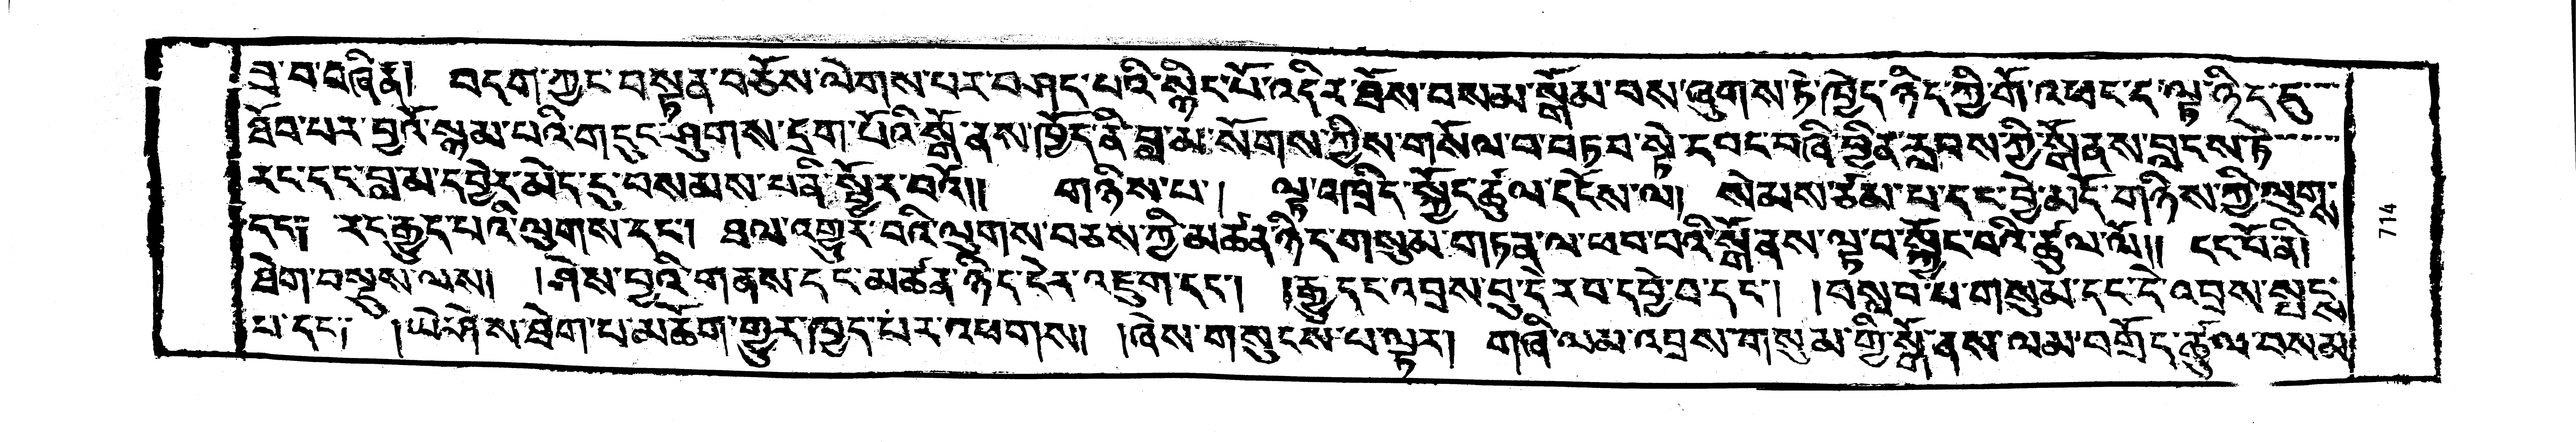ཟ་བ་བཞིན། བདག་ཀྱང་བསྟན་བཅོས་ལེགས་པར་བཤད་པའི་སྙིང་པོ་འདིར་ཐོས་བསམ་སྒོམ་པས་ཞུགས་ཏེ་ཁྱེད་ཉིད་ཀྱི་གོ་འཕང་ད་ལྟ་ཉིད་དུ་
ཐོབ་པར་བྱའོ་སྙམ་པའི་གདུང་ཤུགས་དྲག་པོའི་སྒོ་ནས་ཁྱོད་ནི་བླ་མ་སོགས་ཀྱིས་གསོལ་བ་བཏབ་སྟེ་དབང་བཞི་བྱིན་རླབས་ཀྱི་སྒོ་ནས་བླངས་ཏེ་
རང་དང་བླ་མ་དབྱེར་མེད་དུ་བསམས་པ་ནི་སྦྱོར་བའོ། །གཉིས་པ། ལྟ་འཁྲིད་སྐྱོང་ཚུལ་དངོས་ལ། སེམས་ཙམ་པ་དང་བྱེ་མདོ་གཉིས་ཀྱི་ལུགས་
དང༑ རང་རྒྱུད་པའི་ལུགས་དང་། ཐལ་འགྱུར་བའི་ལུགས་བཅས་ཀྱི་མཚན་ཉིད་གསུམ་གཏན་ལ་ཕབ་པའི་སྒོ་ནས་ལྟ་བ་སྐྱོང་བའི་ཚུལ་ལོ། །དང་པོ་ནི།
ཐེག་བསྡུས་ལས། །ཤེས་བྱའི་གནས་དང་མཚན་ཉིད་དེར་འཇུག་དང་། །རྒྱུ་དང་འབྲས་བུ་དེ་རབ་དབྱེ་བ་དང་། །བསླབ་པ་གསུམ་དང་དེ་འབྲས་སྤངས་
པ་དང་། །ཡེ་ཤེས་ཐེག་པ་མཆོག་གྱུར་ཁྱད་པར་འཕགས། །ཞེས་གསུངས་པ་ལྟར། གཞི་ལམ་འབྲས་གསུམ་གྱི་སྒོ་ནས་ལམ་བགྲོད་ཚུལ་བསམ་